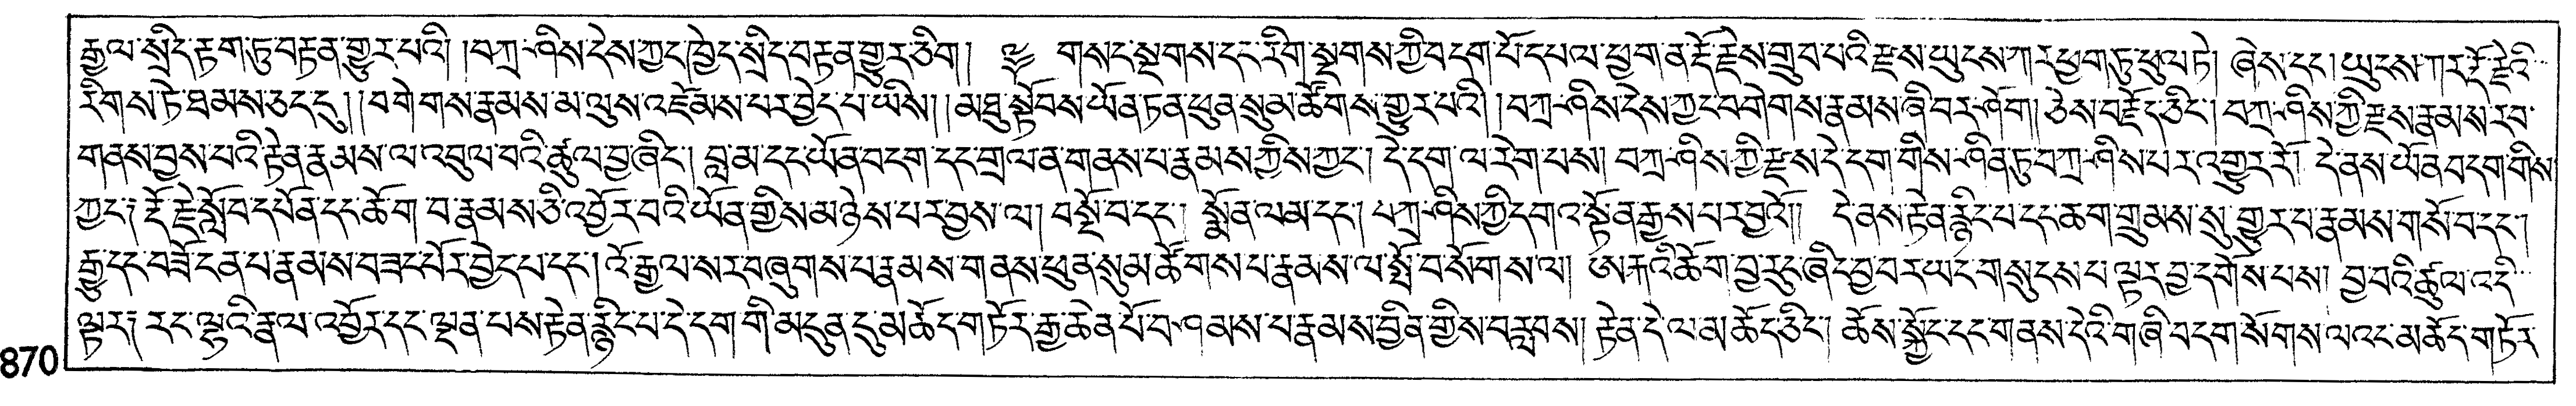རྒྱལ་སྲིད་རྟག་ཏུ་བརྟན་གྱུར་པའི། །བཀྲ་ཤིས་དེས་ཀྱང་ཁྱེད་སྲིད་བརྟན་གྱུར་ཅིག ། ༈ གསང་སྔགས་དང་རིག་སྔགས་ཀྱི་བདག་པོ་དཔལ་ཕྱག་ན་རྡོ་རྗེས་གྲུབ་པའི་རྫས་ཡུངས་ཀར་ཕྱག་ཏུ་ཕུལ་ཏེ། ཞེས་དང་། ཡུངས་ཀར་རྡོ་རྗེའི་
རིགས་ཏེ་ཐམས་ཅད་དུ། །བགེགས་རྣམས་མ་ལུས་འཇོམས་པར་བྱེད་པ་ཡིས། །མཐུ་སྟོབས་ཡོན་ཏན་ཕུན་སུམ་ཚོགས་གྱུར་པའི། །བཀྲ་ཤིས་དེས་ཀྱང་བགེགས་རྣམས་ཞི་བར་ཤོག །ཅེས་བརྗོད་ཅིང་། བཀྲ་ཤིས་ཀྱི་རྫས་རྣམས་རབ་
གནས་བྱས་པའི་རྟེན་རྣམས་ལ་འབུལ་བའི་ཚུལ་བྱ་ཞིང་། བླ་མ་དང་ཡོན་བདག་དང་གྲལ་ན་གནས་པ་རྣམས་ཀྱིས་ཀྱང་། དེ་དག་ལ་རེག་པས། བཀྲ་ཤིས་ཀྱི་རྫས་དེ་དག་གིས་ཤིན་ཏུ་བཀྲ་ཤིས་པར་འགྱུར་རོ། དེ་ནས་ཡོན་བདག་གིས་
ཀྱང༑ རྡོ་རྗེ་སློབ་དཔོན་དང་ཆོ་ག་བ་རྣམས་ཅི་འབྱོར་བའི་ཡོན་གྱིས་མཉེས་པར་བྱས་ལ། བསྔོ་བ་དང་། སྨོན་ལམ་དང་། བཀྲ་ཤིས་ཀྱི་དགའ་སྟོན་རྒྱས་པར་བྱའོ། །དེ་ནས་རྟེན་རྙིང་པ་དང་ཆག་གྲུམས་སུ་གྱུར་པ་རྣམས་གསོ་བ་དང་།
རྒྱུ་དང་བཟོ་ངན་པ་རྣམས་བཟང་པོར་བྱེད་པ་དང་། འོ་རྒྱལ་སར་བཞུགས་པ་རྣམས་གནས་ཕུན་སུམ་ཚོགས་པ་རྣམས་ལ་སྤོ་བ་སོགས་ལ། ཨརྐའི་ཆོ་ག་བྱ་རུང་ཞིང་བྱ་བར་ཡང་གསུངས་པ་ལྟར་བྱ་དགོས་པས། བྱ་བའི་ཚུལ་འདི་
ལྟར༑ རང་ལྷའི་རྣལ་འབྱོར་དང་ལྡན་པས་རྟེན་རྙིང་པ་དེ་དག་གི་མདུན་དུ་མཆོད་གཏོར་རྒྱ་ཆེན་པོ་བཤམས་པ་རྣམས་བྱིན་གྱིས་བརླབས། རྟེན་དེ་ལ་མཆོད་ཅིང་། ཆོས་སྐྱོང་དང་གནས་དེའི་གཞི་བདག་སོགས་ལའང་མཆོད་གཏོར་